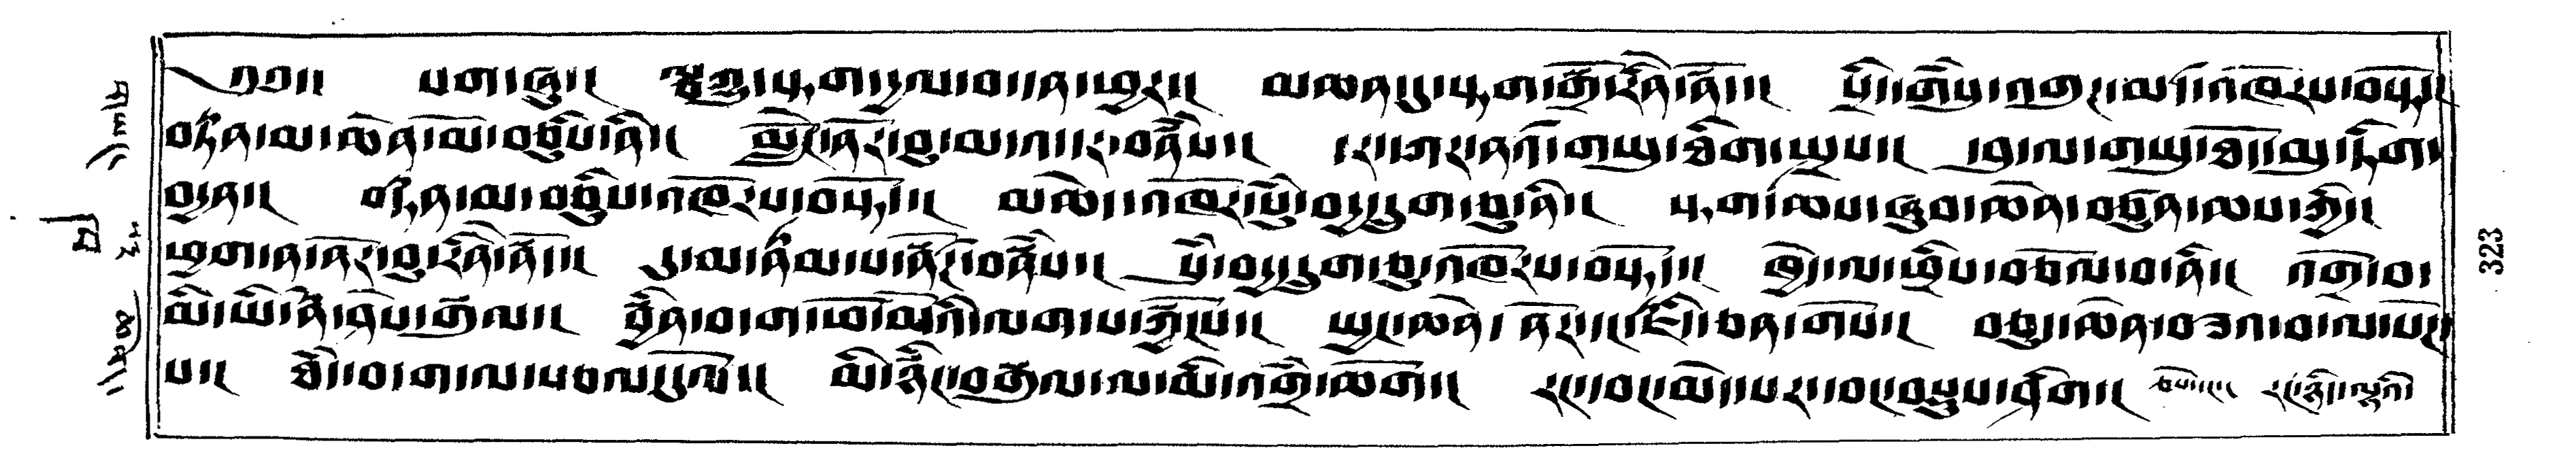སག་ཞུ། །ལྕགས་ཀྱུ་སྟག་རྒྱལ་བ་དན་ཕྱར། །མཆན་དུ་སྟག་སྒྲོ་རིན་ཆེན་སྣོད། །སྲིད་གསུམ་འགུགས་མཛད་འཁོར་བཅས་
བསྟོད། །བརྟན་མ་ཆེན་མོ་བཅུ་ཉིས་ནི། །མེ་ལོང་ནོར་བུ་མདའ་དར་བསྣམས། །དར་དཀར་ན་བཟའ་གཡུ་ཐིག་སྤྲས། །དབུ་ལ་གཡུ་ཐོད་མུ་ཏིག་
བརྒྱན། །བརྟན་མ་བཅུ་ཉིས་འཁོར་བཅས་བསྟོད། །མཆེད་འཁོར་སུམ་བརྒྱ་དྲུག་ཅུ་ནི། །སྟག་ཆས་ཞུབ་ཆེན་བཙུན་ཆས་ཀྱི། 
ཕྱག་ན་ནོར་བུ་རིན་ཆེན་སྣོད། །དུ་མ་རྣམ་པ་སྣ་ཚོགས་བསྣམས། །སུམ་བརྒྱ་དྲུག་ཅུ་འཁོར་བཅས་བསྟོད། །ཁྱེད་ལ་ཕྲིན་ལས་བཅོལ་བ་ནི། །འགྲོ་བ་
མི་ཡི་རྣམ་ཤེས་སྒུལ། །སྦྱིན་བདག་ཕོ་མོའི་ལག་པ་རྐྱོང་། །གཡང་ཆེན་ནོར་དང་བརྗིད་ཅན་གོས། །བཅུད་ཆེན་བཟའ་བ་ལ་སོགས་
པ། །ཐམས་ཅད་དག་ལ་བསྩལ་དུ་གསོལ། །མི་སྙིང་བསྒུལ་ལ་མི་འགྲམ་ཆོག །རང་དབང་མེད་པར་དབང་བསྡུས་ཤིག ། ཅེས་དང་། རང་ཉིད་ལྷའི་